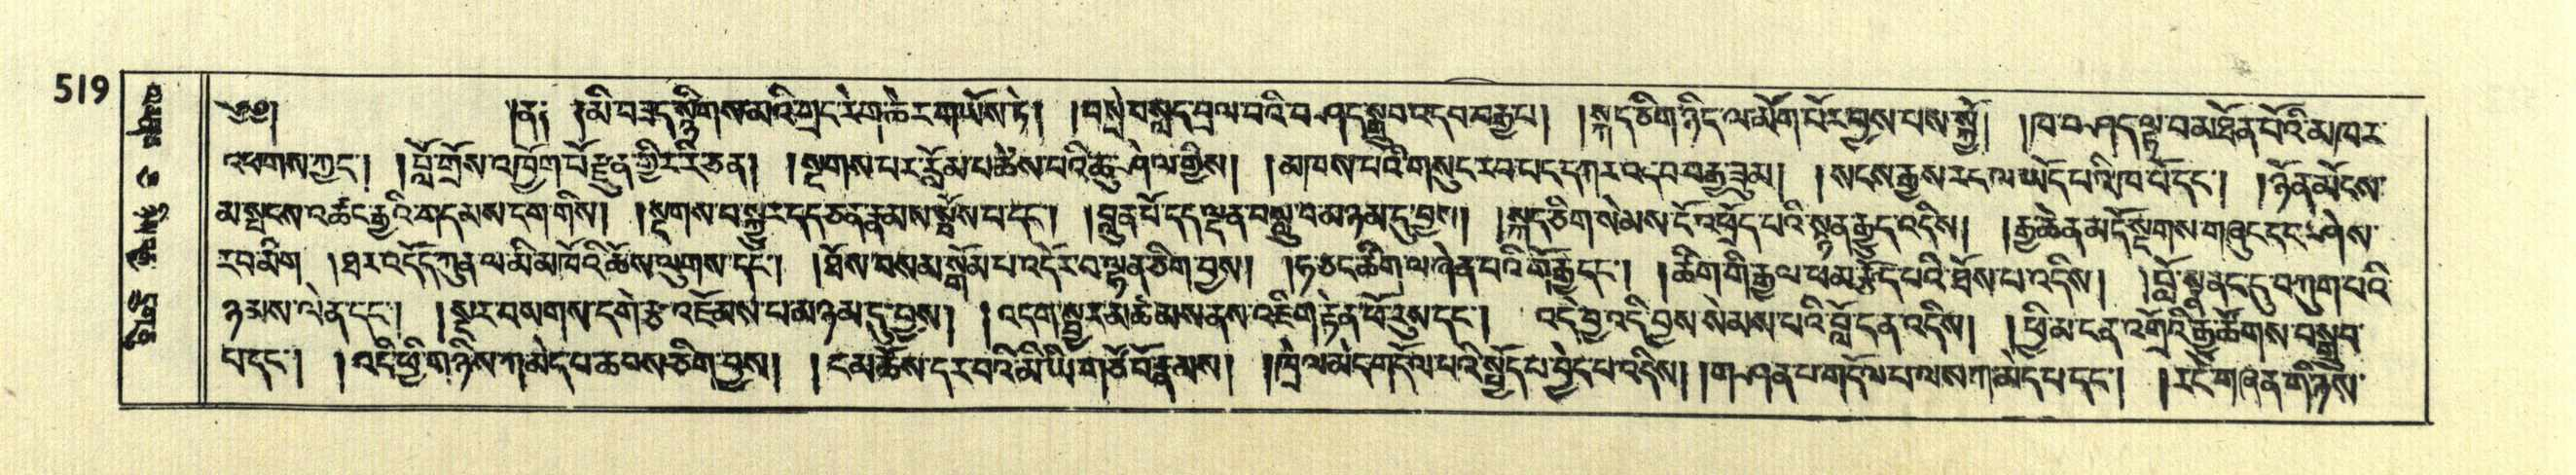༄༅། །ན༑ ༑མི་བཟད་སྙིགས་མའི་གྲང་རེག་ཆེར་གཡོས་ཏེ། །བསྲེ་བསླད་བྲལ་བའི་བཤད་སྒྲུབ་འདབ་བརྒྱབ། །སྐད་ཅིག་ཉིད་ལ་མོག་པོར་བྱས་པས་སྐྱོ། །ཁ་བཤད་ལྟ་བ་མཐོན་པོའི་མཁར་
འཕགས་ཀྱང་། །བློ་གྲོས་འཁྱོག་པོ་རྫུན་གྱིར་རི་ཅན། །སྔགས་པར་རློམ་པ་ཚེས་པའི་ཆུ་ཤེལ་གྱིས། །མཁས་པའི་གསུང་རབ་པད་དཀར་འདབ་བརྒྱ་ཟུམ། །སངས་རྒྱས་རང་ལ་ཡོད་པའི་ཁ་པོ་དང་། །ཉོན་མོངས་
མ་སྤངས་འཚང་རྒྱའི་གདམས་ངག་གིས། །སྔགས་བསྐྱུར་དད་ཅན་རྣམས་སྤོབས་པ་དང་། །བླུན་པོ་དད་ལྡན་བསླུ་བ་མཉམ་དུ་བྱས། །སྐད་ཅིག་སེམས་ངོ་འཕྲོད་པའི་སྙན་རྒྱུད་འདིས། །རྒྱ་ཆེན་མདོ་སྔགས་གཞུང་དང་ཤེས་
རབ་མིག །ཐར་འདོད་ཀུན་ལ་མི་མཁོའི་ཆོས་ལུགས་དང་། །ཐོས་བསམ་སྒོམ་པ་འདོར་བ་ལྷན་ཅིག་བྱས། །ཧ་ཅང་ཚིག་ལ་ཞེན་པའི་གོ་རྒྱ་དང་། །ཚིག་གི་རྒྱལ་ཕམ་རྩོད་པའི་ཐོས་པ་འདིས། །བློ་སྣ་ནང་དུ་བཀུག་པའི་
ཉམས་ལེན་དང་། །སྔར་བསགས་དགེ་རྩ་འཇོམས་པ་མཉམ་དུ་བྱས། །འདག་སྦྱར་མཚམས་ནས་འཇིག་རྟེན་ཕོ་རུས་དང་། འདི་བྱ་འདི་བྱས་སེམས་པའི་བློ་ངན་འདིས། །ཕྱི་མ་ངན་འགྲོའི་རྒྱུ་ཚོགས་བསྒྲུབ་
པ་དང་། །འདི་ཕྱི་གཉིས་ཀ་མེད་པ་ཆབས་ཅིག་བྱས། །ངམ་ཆོས་དར་བའི་མི་ཡི་གཙོ་བོ་རྣམས། །ཁྲེལ་མེད་གདོལ་པའི་སྤྱོད་པ་བྱེད་པ་འདིས། །གཤན་པ་གདོལ་པ་ལས་ཀ་མེད་པ་དང་། །རང་གཞན་གཉིས་